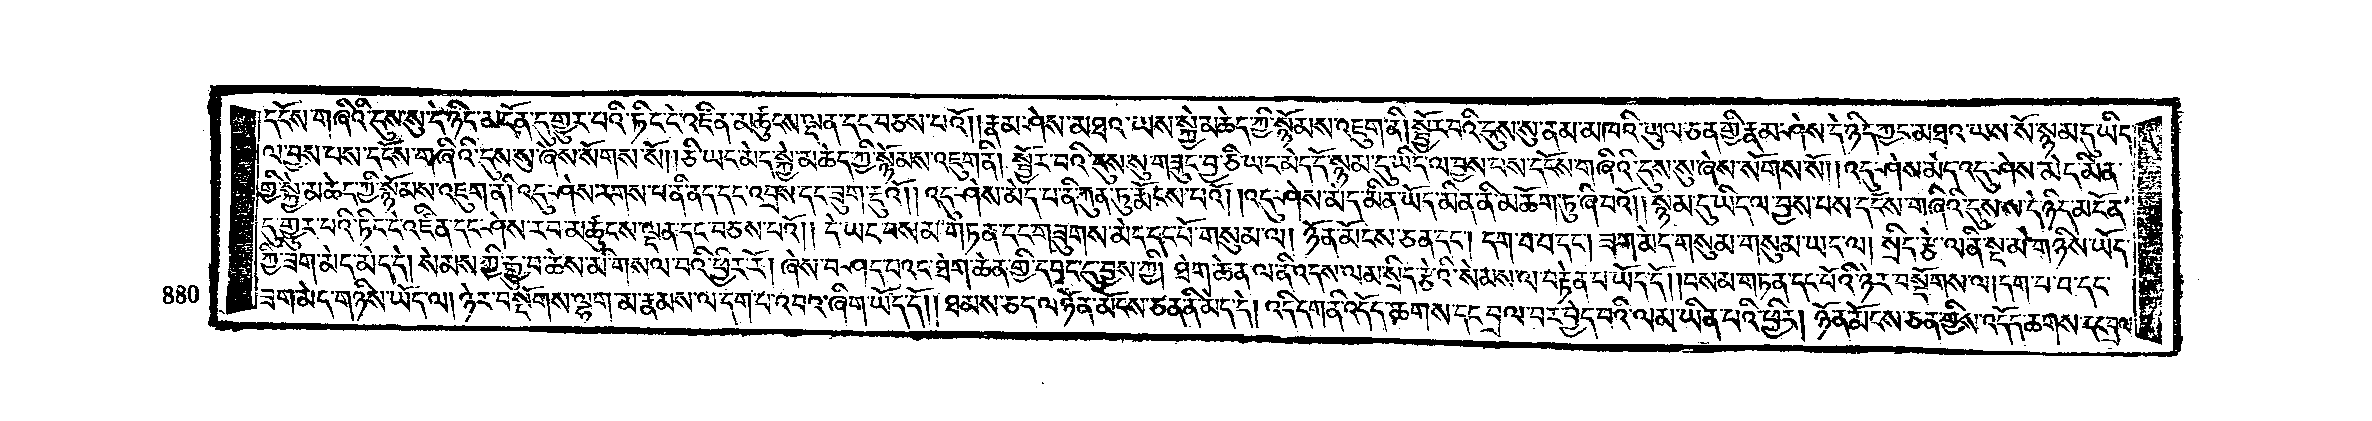དངོས་གཞིའི་དུས་སུ་དེ་ཉིད་མངོན་དུ་གྱུར་པའི་ཏིང་ངེ་འཛིན་མཚུངས་ལྡན་དང་བཅས་པའོ། །རྣམ་ཤེས་མཐའ་ཡས་སྐྱེ་མཆེད་ཀྱི་སྙོམས་འཇུག་ནི། སྦྱོར་བའི་དུས་སུ་ནམ་མཁའི་ཡུལ་ཅན་༺གྱི་རྣམ་ཤེས་དེ་ཉིད་ཀྱང་མཐའ་ཡས་སོ་སྙམ་དུ་ཡིད་
ལ་བྱས་པས་དངོས་གཞིའི་དུས་སུ་ཞེས་སོགས་སོ། །ཅི་ཡང་མེད་སྐྱེ་མཆེད་ཀྱི་སྙོམས་འཇུག་ནི། སྦྱོར་བའི་དུས་སུ་གཟུང་བྱ་ཅི་ཡང་མེད་དོ་སྙམ་དུ་ཡིད་ལ་བྱས་པས་དངོས་གཞིའི་དུས་སུ་ཞེས་སོགས་སོ། །འདུ་ཤེས་མེད་འདུ་ཤེས་མེད་མིན་
གྱི་སྐྱེ་མཆེད་ཀྱི་སྙོམས་འཇུག་ནི། འདུ་ཤེས་རགས་པ་ནི་ནད་དང་འབྲས་དང་ཟུག་རྡུའོ། །འདུ་ཤེས་མེད་པ་ནི་ཀུན་ཏུ་རྨོངས་པའོ། །འདུ་ཤེས་མེད་མིན་ཡོད་མིན་ནི་མཆོག་ཏུ་ཞི་བའོ། །སྙམ་དུ་ཡིད་ལ་བྱས་པས་དངོས་གཞིའི་དུས་ས་དེ་ཉིད་མངོན་
དུ་གྱུར་པའི་ཏིང་ངེ་འཛིན་དང་ཤེས་རབ་མཚུངས་ལྡན་དང་བཅས་པའོ། །དེ་ཡང་བསམ་གཏན་དང་གཟུགས་མེད་དང་པོ་གསུམ་ལ། ཉོན་མོངས་ཅན་དང་། དག་པ་པ་དང་། ཟག་མེད་གསུམ་གསུམ་ཡང་ལ། སྲིད་རྩེ་ལ་ནི་སྔ་མེ་གཉིས་ཡོད་
ཀྱི་ཟག་མེད་མེད་དེ། སེམས་ཀྱི་རྒྱུ་བ་ཆེས་མི་གསལ་བའི་ཕྱིར་རོ། ཞེས་བཤད་པའང་ཐེག་ཆེན་གྱི་དབང་དུ་བྱས་ཀྱི། ཐེག་ཆེན་ལ་ནི་འདས་ལམ་སྲིད་རྩེའི་སེམས་ལ་བརྟེན་པ་ཡོད་དོ། །བསམ་གཏན་དང་པོའི་ཉེར་བསྡོགས་ལ། དག་པ་བ་དང་
ཟག་མེད་གཉིས་ཡོད་ལ། ཉེར་བསྡོགས་ལྷག་མ་རྣམས་ལ་དག་པ་འབའ་ཞིག་ཡོད་དོ། །ཐམས་ཅད་ལ་ཉོན་མོངས་ཅན་ནི་མེད་དེ། འདི་དག་ནི་འདོད་ཆགས་དང་བྲལ་བར་བྱེད་པའི་ལམ་ཡིན་པའི་ཕྱིར། ཉོན་མོངས་ཅན་གྱིས་འདོད་ཆགས་དང་བྲལ་